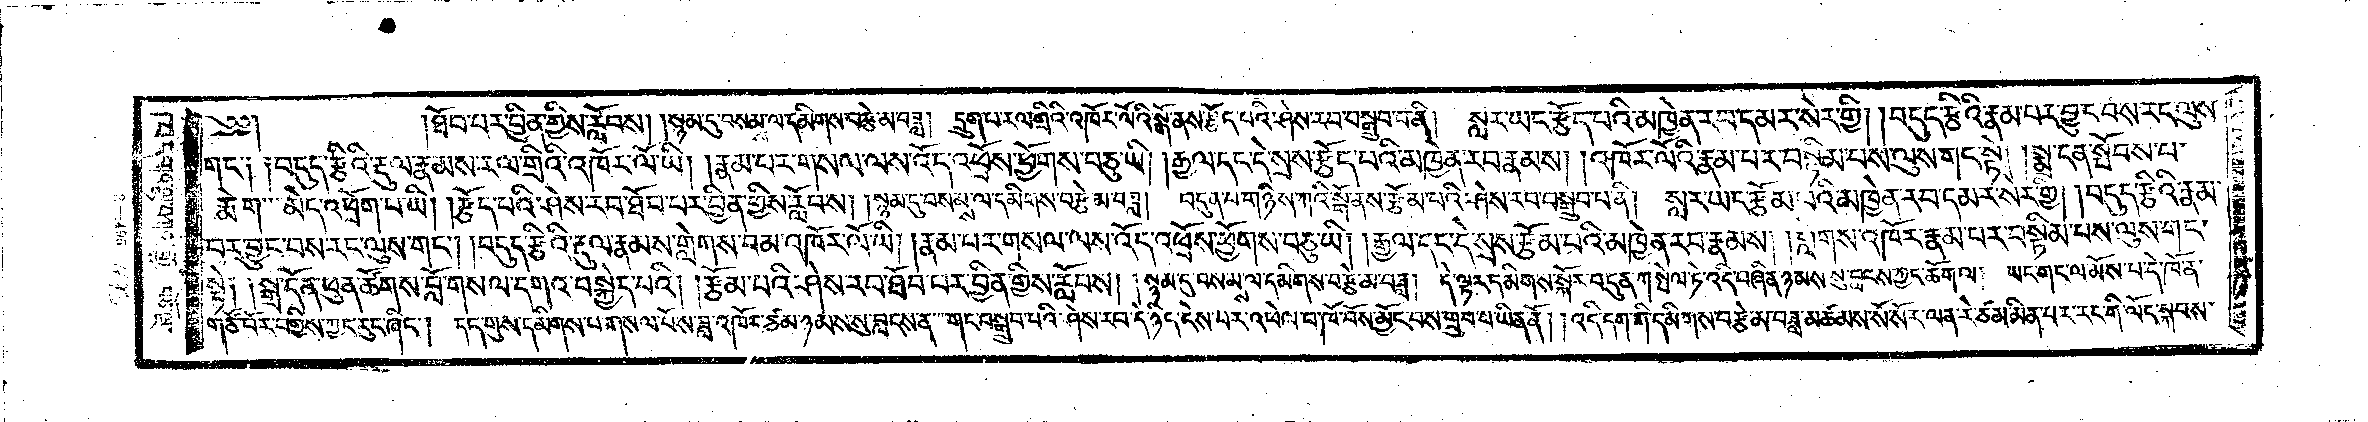༄༅། །ཐོབ་པར་བྱིན་གྱིས་རློབས། །སྙམ་དུ་བསམས་ལ་དམིགས་བརྩེ་མ་བཟླ། དྲུག་པ་རལ་གྲིའི་འཁོར་ལོའི་སྒོ་ནས་རྩོད་པའི་ཤེས་རབ་བསྒྲུབ་པ་ནི།  སླར་ཡང་རྩོད་པའི་མཁྱེན་རབ་དམར་སེར་གྱི། །བདུད་རྩིའི་རྣམ་པར་བྱུང་བས་རང་ལུས་
གང༑ ༑བདུད་རྩིའི་རྡུལ་རྣམས་རལ་གྲིའི་འཁོར་ལོ་ཡི། །རྣམ་པར་གསལ་ལས་འོད་འཕྲོས་ཕྱོགས་བཅུ་ཡི། །རྒྱལ་དང་དེ་སྲས་རྩོད་པའི་མཁྱེན་རབ་རྣམས། །འཁོར་ལོའི་རྣམ་པར་བསྟིམ་པས་ལུས་གང་སྟེ། །སྨྲ་ངན་སྤོབས་པ་
རྨེག་མེད་འཕྲོག་པ་ཡི། །རྩོད་པའི་ཤེས་རབ་ཐོབ་པར་བྱིན་གྱིས་རློབས། །སྙམ་དུ་བསམས་ལ་དམིགས་བརྩེ་མ་བཟླ། བདུན་པ་གཉིས་ཀའི་སྒོ་ནས་རྩོམ་པའི་ཤེས་རབ་བསྒྲུབ་པ་ནི།  སླར་ཡང་རྩོམ་པའི་མཁྱེན་རབ་དམར་སེར་གྱི། །བདུད་རྩིའི་རྣམ་
བར་བྱུང་བས་རང་ལུས་གང་། །བདུད་རྩིའི་རྡུལ་རྣམས་གླེགས་བམ་འཁོར་ལོ་ཡི། །རྣམ་པར་གསལ་ལས་འོད་འཕྲོས་ཕྱོགས་བཅུ་ཡི། །རྒྱལ་དང་དེ་སྲས་རྩོམ་པའི་མཁྱེན་རབ་རྣམས། །གླེགས་འཁོར་རྣམ་པར་བསྟིམ་པས་ལུས་གང་
སྟེ༑ ༑སྒྲ་དོན་ཕུན་ཚོགས་བློ་གསལ་དགའ་བསྐྱེད་པའི། །རྩོམ་པའི་ཤེས་རབ་ཐོབ་པར་བྱིན་གྱིས་རློབས། །སྙམ་དུ་བསམས་ལ་དམིགས་བརྩེ་མ་བཟླ། དེ་ལྟར་དམིགས་སྐོར་བདུན་ཀ་སྤེལ་ཏེ་འདི་བཞིན་ཉམས་སུ་བླངས་ཀྱང་ཆོག་ལ། ཡང་གང་ལ་མོས་པ་དེ་ཁོ་ན་
གཙོ་བོར་བགྱིས་ཀྱང་རུང་ཞིང་། དད་གུས་དམིགས་པ་གསལ་པོས་ཟླ་འཁོར་ཙམ་ཉམས་སུ་བླངས་ན་གང་བསྒྲུབ་པའི་ཤེས་རབ་དེ་ཉིད་ངེས་པར་འཕེལ་བ་ཁོ་བོས་མྱོང་བས་གྲུབ་པ་ཡིན་ནོ། །འདི་དག་གི་དམིགས་བརྩེ་མ་བཟླ་མཚམས་སོ་སོར་ལན་རེ་ཙམ་མིན་པར་རང་གི་ལོང་སྐབས